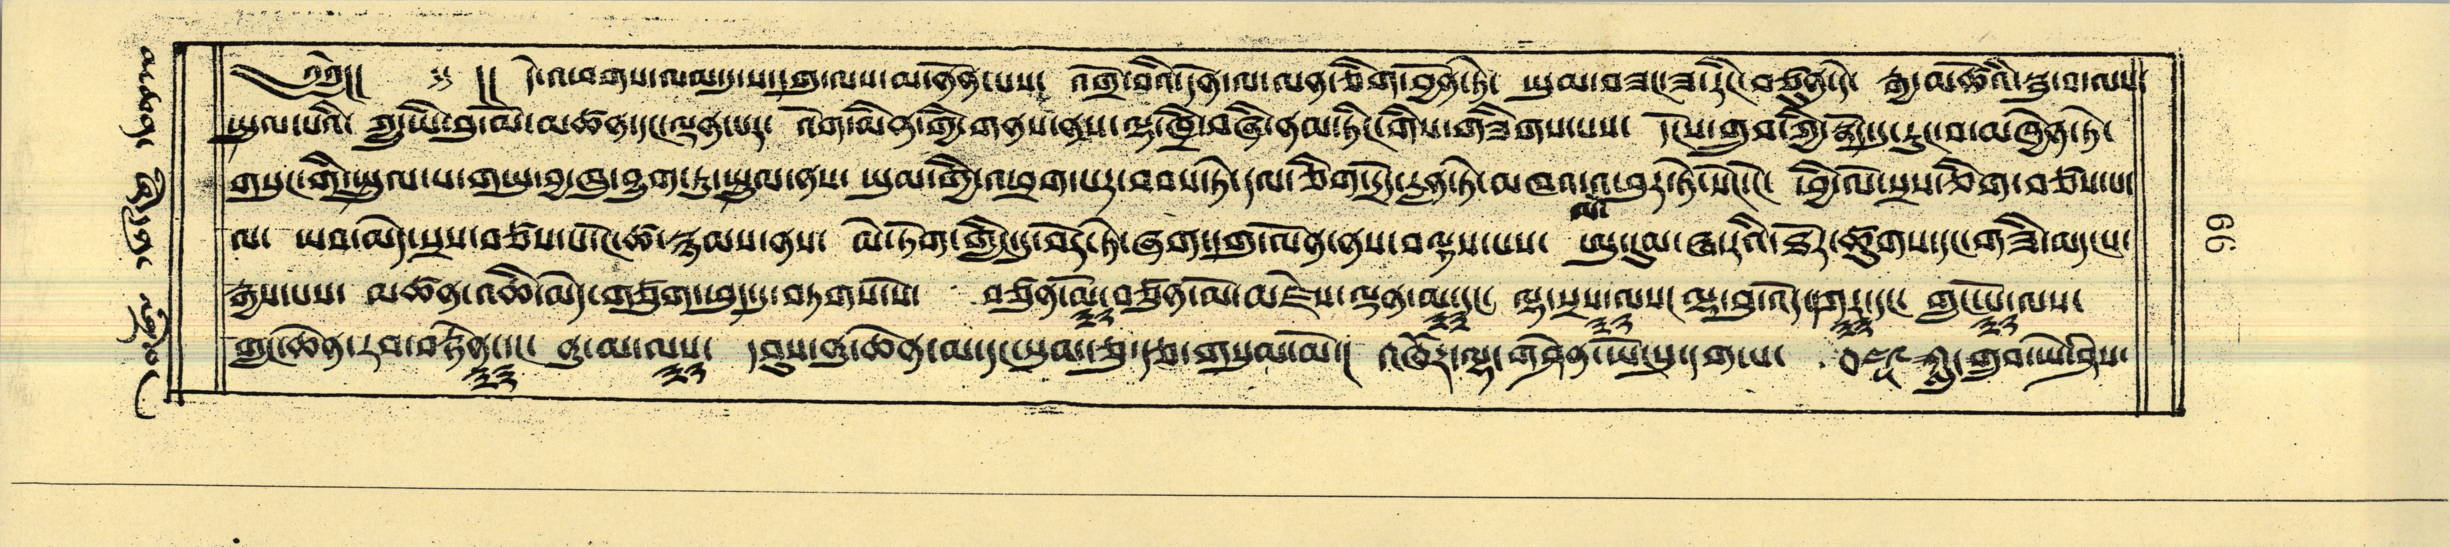དེ་འཕགས་ལམ་དུ་ས་མ་ནོན་པས་འགྲོ་བའི་དོན་ལ་ལན་ཅིག་བྱོན་ཏེ། ཡུམ་བཟང་ཟ་རིང་བཙུན་དེ་རྒྱ་མཚོིའི་སྦུ་བ་ལས་
སྤྲུལ་པའི་སྐུ་ཀླུའི་བུ་མོ་མཚན་དང་ལྡན་པར་འོག་མིན་གྱི་གནས་ནས་ལྷ་ཁྲི་བཞི་ནམ་ཏིང་གིས་གཟིགས་པས། དངོས་གྲུབ་ཀྱི་སྣོད་དུ་རུང་བ་མཁྱེན་ཏེ་
གསུང་གི་སྤྲུལ་པ་གཡུ་བྱ་ཁུ་བྱུག་ཏུ་སྤྲུལ་ནས་ཡུམ་གྱི་ཕྲག་པར་བབས་ཏེ་དལ་ཅིག་དྲོད་རླན་ཏེ་མཁའ་ལ་འཕུར་ཏེ་སོང་ངོ་། ཕྱི་ལོ་སྲས་གཅིག་བཙས་པ་
ལ་ཡབ་མེད་སྲས་བཙས་པ་ལ་ངོ་ཚ་སྙམ་ནས་མེ་ཏོག་གི་གླིང་དུ་བོར་ཏེ་ཞག་དགུ་ལོན་ནས་བལྟས་པས། ཨུ་དུམ་ཝ་རའི་ཐོིར་ཚུགས་དང་གཟི་མདངས་
རྒྱས་པ་མཚན་འཆི་མེད་གཙུག་ཕུད་དུ་བཏགས་སོ། བཙུན་མོ་༣༢བཙུན་མོ་མཛེས་ལྡན་མ་དང་༣༣དང་། ལྷ་སྲས་༣༢ལས་ལྷ་བུ་འོད་དཀར་དང་༣༣། 
གླང་པོ་༣༢ལས་གླང་ཆེན་རབ་བརྟན་དང་༣༣། ནུ་མ་༣༢ལས་དབུས་ནུ་ཆེན་མ་དང་སུམ་ཅུ་རྩ་གསུམ་མོ།༼འཁོར༽ལྷ་གཤེན་ཡོངས་སུ་དག་པ་བ༤༩།༥༼ཀླུ་གྲུབ༽ཡེ་ཤེས་